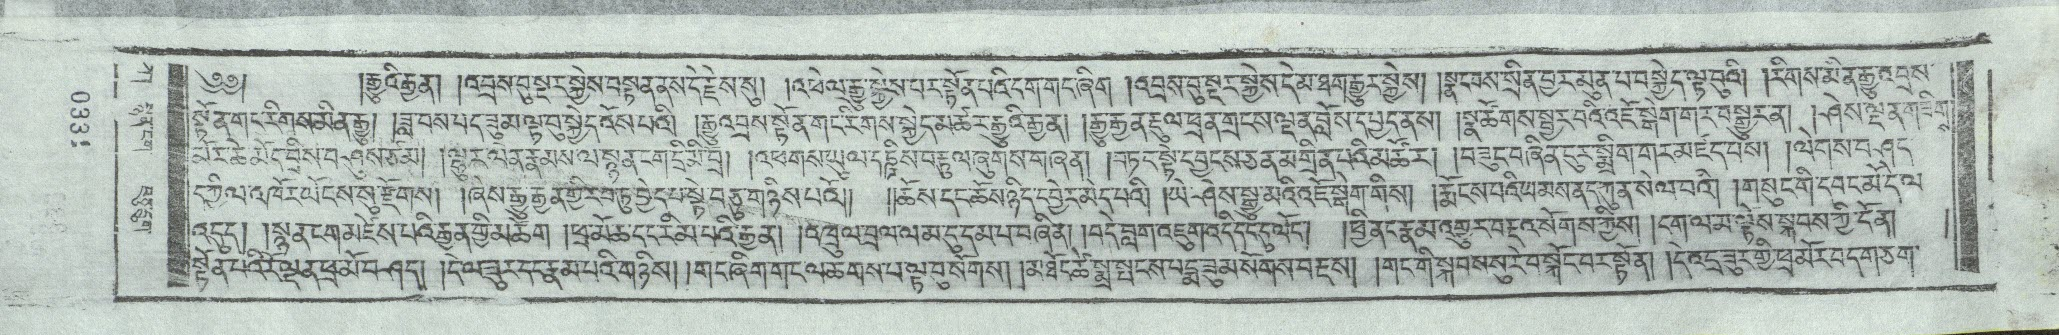༄༅། །རྒྱུའི་རྒྱན། །འབྲས་བུ་སྔར་སྐྱེས་བསྟན་ནས་དེ་རྗེས་སུ། །འཕེལ་རྒྱུ་སྐྱེས་པར་སྟོན་པའི་དག་གང་ཞིག །འབྲས་བུ་སྔར་སྐྱེས་དེ་མ་ཐག་རྒྱུར་སྐྱེས། །སྣང་བས་སྲིན་བྱར་མུན་པ་བསྐྱེད་ལྟ་བུའི། །རིགས་མིན་རྒྱུ་འབྲས་
སྟོན་གང་རིགས་མིན་རྒྱུ། །ཟླ་བས་པད་ཟུམ་ལྟ་བུ་སྐྱེད་འོས་པའི། །རྒྱུ་འབྲས་སྟོན་གང་རིགས་སྐྱེད་མཚར་རྒྱུའི་རྒྱ་ན། །རྒྱུ་རྒྱན་རྡུལ་ཕྲན་གྲངས་ལྡན་བློས་དབྱང་ནས། །སྣ་ཚོགས་སྦྱར་བའི་འཇོ་སྒེག་གར་བསྒྱུར་ན། །ཤེས་ལྡན་གཟིགས་
མོར་ཆེ་མོད་བྲིས་བཤུས་ཙམ། །ལྷུར་ལེན་རྣམས་ལ་སྙན་ངག་དྲི་མི་བྲ། །འཕགས་ཡུལ་དཎྜིས་བརྟུལ་ཞུགས་གཞན། །བཏང་སྟེ་དབྱངས་ཅན་མགྲིན་པའི་མཚོ་ར། །བཟུང་བཞིན་ངུར་སྨྲིག་གར་མཛད་པས། །ལེགས་བཤད་
དཀྱིལ་འཁོར་ཡོངས་སུ་རྫོགས། །ཞེས་རྒྱུ་རྒྱན་གྱི་རབ་ཏུ་བྱེད་པ་སྟེ་བཅུ་གཉིས་པའོ།། །།ཆོས་དང་ཆོས་ཉིད་དབྱེར་མེད་པའི། །ཡེ་ཤེས་སྒྱུ་མའི་འཇོ་སྒེག་གིས། །རྨོངས་པའི་ཡམས་ནད་ཀུན་སེལ་བའི། །གསུང་གི་དབང་མོད་ལ་
འདུད། །སྙན་ངག་མཛེས་པའི་རྒྱན་གྱི་མཆོག །ཕྲ་མོ་ཆ་དང་རིམ་པའི་རྒྱན། །འཁྲུལ་བྲལ་ལ་མ་དུ་དམ་པ་བཞིན། །བདེ་བླག་འཇུག་འདི་དང་དུ་ལོང་། །ཕྱི་ནང་རྣམ་འགྱུར་བརྡའ་སོགས་ཀྱིས། །དག་ལ་མ་ལྟེས་སྐབས་ཀྱི་དོན། །
སྟོན་པའི་རོ་ལྡན་ཕྲ་མོ་བཤད། །དེ་ལ་ཟུར་དང་རྣམ་པའི་གཉིས། །གང་ཞིག་གང་ལ་ཆགས་པ་ལྟ་བུ་སོགས། །མཐོང་ཚེ་སྨྲ་སྤངས་པདམ་ཟུ་མ་སོགས་བརྡས། །གང་གི་སྐབས་སུ་རེ་བ་བསྐོང་བར་སྟོན། །དེ་འདྲ་ཟུར་གྱི་ཕྲ་མོ་བདག?་ཅག་